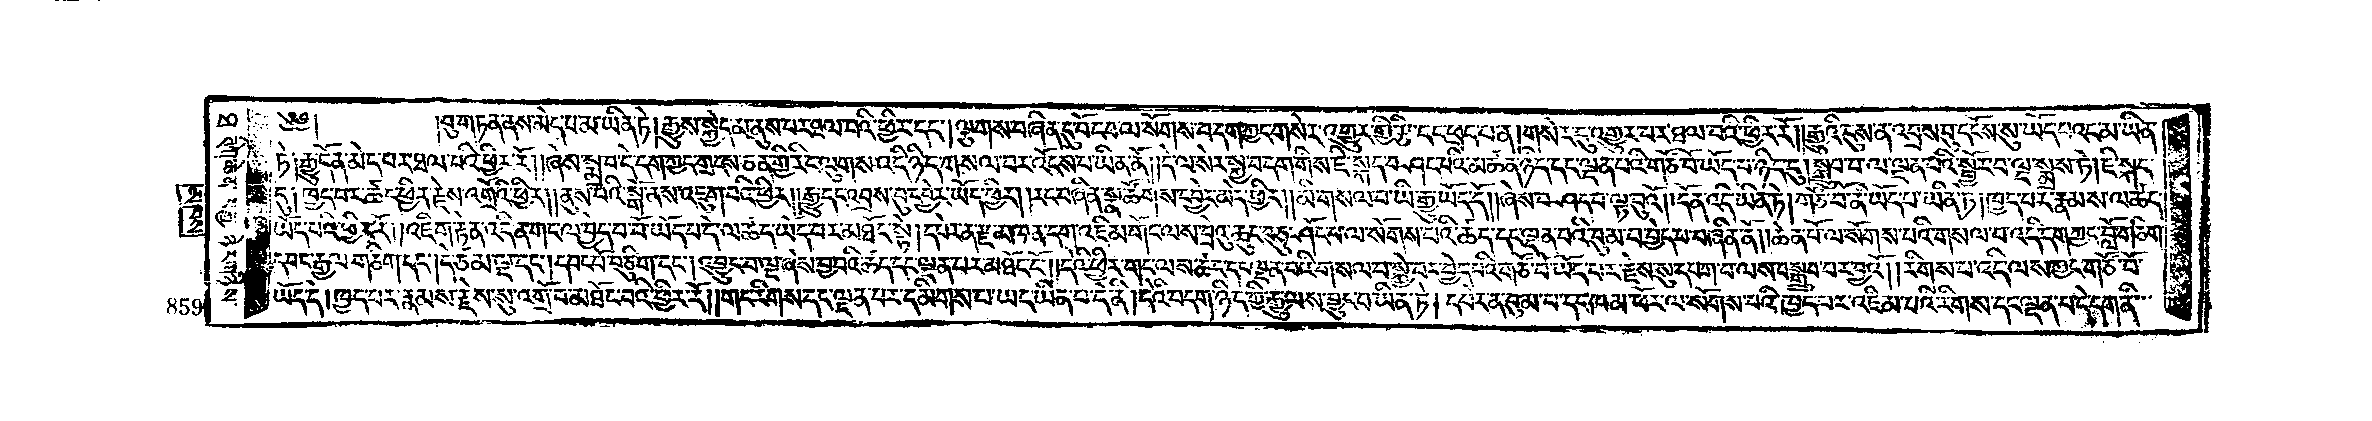༄༅། །བུ་གཏན་ནས་མེད་པ་མ་ཡིན་ཏེ། རྒྱུས་སྐྱེས་མ་ནུས་པར་ཐལ་བའི་ཕྱིར་དང་། ལྕགས་བཞིན་དུ་བོང་བ་ལ་སོགས་བདག་ཀྱང་གསེར་འགྱུར་གྱི་རྩི་དང་ཕྲད་པ་ན། གསེར་དུ་འགྱུར་པར་ཐལ་བའི་ཕྱིར་རོ། །རྒྱུའི་དུས་ན་འབྲས་བུ་དངོས་སུ་ཡོད་པའང་མ་ཡིན་
ཏེ། རྒྱུ་དོན་མེད་པར་ཐལ་བའི་ཕྱིར་རོ། །ཞེས་སྨྲ་བ་དེ་དག་ཀྱང་གྲངས་ཅན་གྱི་རིང་ལུགས་འདི་ཉིད་གསལ་བར་འོངས་པ་ཡིན་ནོ། །དེ་ལ་སེར་སྐྱ་བདག་གིས་ཇི་སྐད་བཤད་པའི་མཚན་ཉིད་དང་ལྡན་པའི་གཙོ་བོ་ཡོད་པ་ཉིད་དུ། སྒྲུབ་པ་ལ་ལྡན་པའི་སྦྱོར་བ་ལྔ་སྨྲས་ཏེ། ཇི་སྐད་
དུ། ཁྱད་པར་ཚད་ཕྱིར་རྗེས་འགྲོའི་ཕྱིར། །ནུས་པའི་སྒོ་ནས་འཇུག་པའི་ཕྱིར། །རྒྱུ་དང་འབྲས་བུ་དབྱེར་ཡོད་ཕྱིར། །རང་བཞིན་སྣ་ཚོགས་དབྱེར་མེད་ཕྱིར། །མི་གསལ་བ་ཡི་རྒྱུ་ཡོད་དོ། །ཞེས་བཤད་པ་ལྟ་བུའོ། །དོན་འདི་ཡིན་ཏེ། གཙོ་བོ་ནི་ཡོད་པ་ཡིན་ཏེ། ཁྱད་པར་རྣམས་ལ་ཚད་
ཡོད་པའི་ཕྱིར་རོ། །འཇིག་རྟེན་འདི་ན་གང་ལ་བྱེད་པ་པོ་ཡོད་པ་དེ་ལ་ཚད་ཡོད་པར་མཐོང་སྟེ། དཔེར་ན་རྫ་མཁན་དག་འཇིམ་གོང་ལས་བྲེའུ་ཆུང་བཅུ་ཤོང་པ་ལ་སོགས་པའི་ཚད་དང་ལྡན་པའི་བུམ་པ་བྱེད་པ་བཞིན་ནོ། །ཆེན་པོ་ལ་སོགས་པའི་གསལ་བ་འདི་དག་ཀྱང་བློ་གཅིག་
དབང་རྒྱལ་གཅིག་དང་། དེ་ཙམ་ལྔ་དང་། དབང་པོ་བཅུ་གཅིག་དང་། འབྱུང་བ་ལྔ་ཤེས་བྱ་བའི་ཚད་དང་ལྡན་པར་མཐོང་ངོ། །དེའི་ཕྱིར་གང་ལས་ཚད་དང་ལྡན་པའི་གསལ་བ་སྐྱེ་བར་བྱེད་པའི་གཙོ་བོ་ཡོད་པར་རྗེས་སུ་དཔག་པ་ལས་བསྒྲུབ་པར་བྱའོ། །རིགས་པ་འདི་ལས་ཀྱང་གཙོ་བོ་
ཡོད་དེ། ཁྱད་པར་རྣམས་རྗེས་སུ་འགྲོ་བ་མཐོང་བའི་ཕྱིར་རོ། །གང་རིགས་དང་ལྡན་པར་དམིགས་པ་ཡང་ཡིན་པ་དེ་ནི། དེའི་བདག་ཉིད་ཀྱི་རྒྱུ་ལས་བྱུང་བ་ཡིན་ཏེ། དཔེར་ན་བུམ་པ་དང་ཁམ་ཕོར་ལ་སོགས་པའི་ཁྱད་པར་འཇིམ་པའི་རིགས་དང་ལྡན་པ་དེ་དག་ནི་